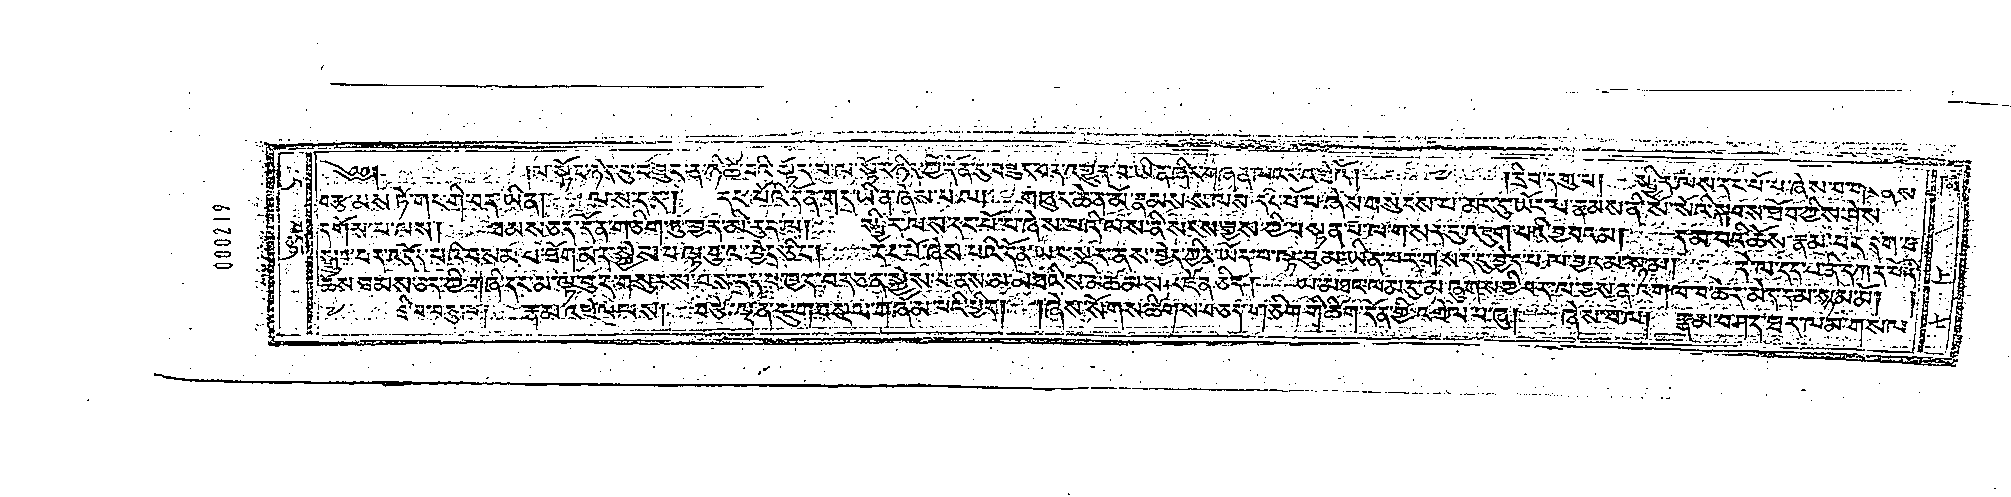༄༅། །ལ་སྟོང་ཉིད་དུ་བཟུང་ན་ཉི་ཚེ་བའི་སྟོང་པ་ལ་སྟོང་ཉིད་ཀྱི་དོན་དུ་བཟུང་བར་འགྱུར་བ་ཡིན་ཞིང་གཞན་ལའང་འགྲོའོ། ༧་།དྲི་བ་དགུ་པ། སྤྱིར་ལས་དང་པོ་པ་ཞེས་པ་གང་ནས་
བརྩམས་ཏེ་གང་གི་བར་ཡིན། ལས་དང་། དང་པོའི་དོན་གང་ཡིན་ཞེས་པ་ལ། གཞུང་ཆེན་མོ་རྣམས་སུ་ལས་དང་པོ་བ་ཞེས་གསུངས་པ་མང་དུ་ཡོད་པ་རྣམས་ནི་སོ་སོའི་སྐབས་ཐོབ་ཀྱིས་ཤེས་
དགོས་པ་ལས། ཐམས་ཅད་དོན་གཅིག་ཏུ་བྱར་མི་རུད་ལ། སྤྱིར་ལས་དང་པོ་པ་ཞེས་པའི་ལས་ནི་སངས་རྒྱས་ཀྱི་བསྟན་པ་ལ་གསར་ཏུ་འཇུག་པའི་བྱ་བའམ། དམ་པའི་ཆོས་རྣམ་པར་དག་པ་
སྒྲུབ་པར་འདོད་པའི་བསམ་པ་ཐོག་མར་སྐྱེས་པ་ལྟ་བུ་ལ་བྱེད་ཅིང་། དང་པོ་ཞེས་པའི་དོན་ཡང་སྔར་ནས་བྱེད་ཀྱིན་ཡོད་པ་ལྟ་བུ་མ་ཡིན་པར་གསར་དུ་བྱེད་པ་ལ་བྱའམ་སྙམ། དེ་ལ་དང་པ་ནི་དཀར་པོའི་
ཆོས་ཐམས་ཅད་ཀྱི་གཞི་དང་མ་ལྟ་བུར་གསུངས་པས་དད་པ་ཁྱད་པར་ཅན་སྐྱེས་པ་ནས་མ་མཐའི་ས་མཚམས་འཛིན་ཅིད། ཡ་མཐའ་ལམ་དུ་མ་ཞུགས་ཀྱི་བར་ལ་བྱས་ན་འགལ་བ་ཆེར་མེད་དམ་སྙམ་མོ། །
༧་དྲི་བ་བཅུ་པ། རྣམ་འགྲེལ་ལས། བརྩེ་ལྡན་སྡུག་བསྔལ་གཞོམ་པའི་ཕྱིར། །ཞེས་སོགས་ཚིགས་བཅད་གཅིག་གི་ཚིག་དོན་གྱི་འགྲེལ་པ་ཞུ། ཞེས་པ་ལ། རྣམ་བཤད་ཐར་ལམ་གསལ་